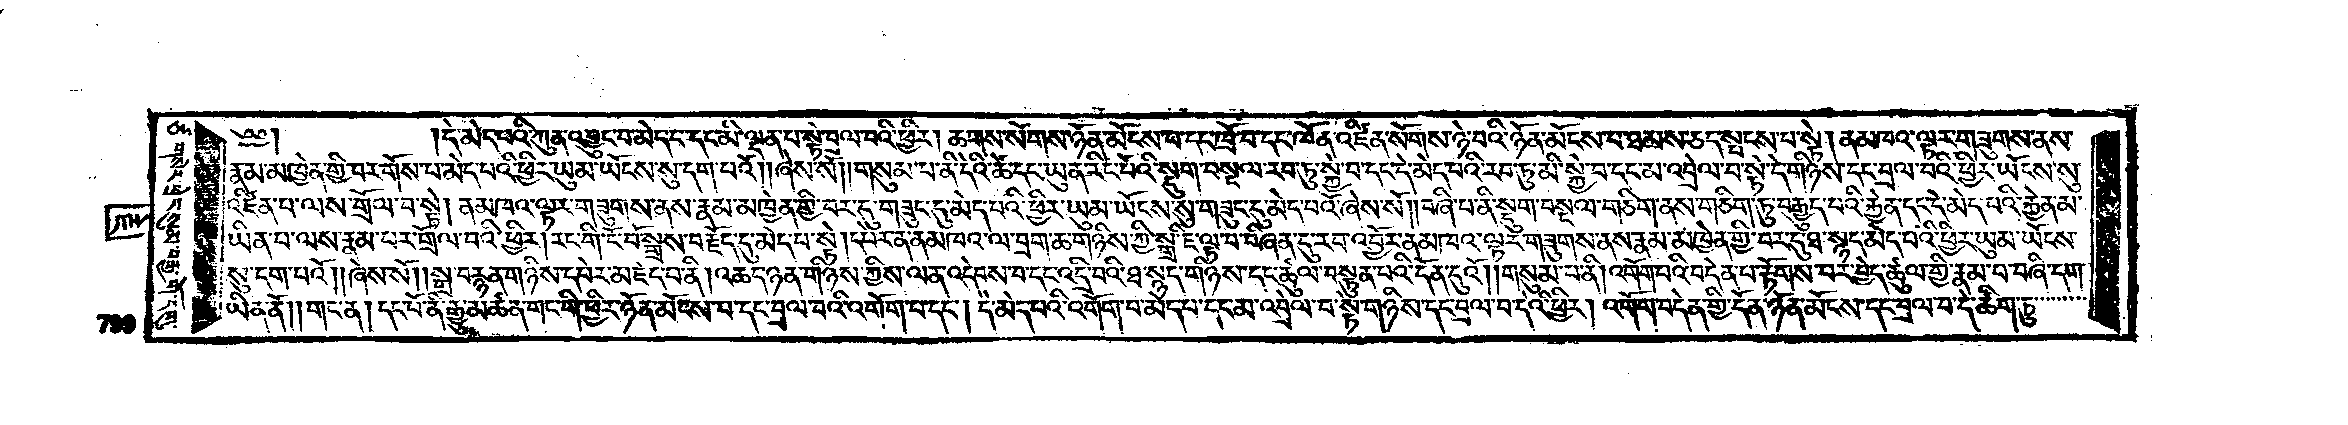༄༅། །དེ་མེད་པའི་ཀུན་འབྱུང་བ་མེད་པ་དང་མི་ལྡན་པ་སྟེ་བྲལ་བའི་ཕྱིར། ཆགས་སོགས་ཉོན་མོངས་པ་དང་ཁྲོ་བ་དང་ཁོ་ན་འཛིན་སོགས་ཉེ་བའི་ཉོན་མོངས་པ་ཐམས་ཅད་སྤངས་པ་སྟེ། ནམ་མཁའ་ལྟར་གཟུགས་ནས་
རྣམ་མཁྱེན་གྱི་བར་གོས་པ་མེད་པའི་ཕྱིར་ཡུམ་ཡོངས་སུ་དག་པའོ། །ཞེས་སོ། །གསུམ་པ་ནི་དེའི་ཚེ་དང་ཡུན་རིང་པོའི་སྡུག་བསྔལ་རབ་ཏུ་སྐྱེ་བ་དང་དེ་མེད་པའི་རབ་ཏུ་མི་སྐྱེ་བ་དང་མ་འབྲེལ་བ་སྟེ་དེ་གཉིས་དང་བྲལ་བའི་ཕྱིར་ཡོངས་སུ་
འཛིན་པ་ལས་གྲོལ་བ་སྟེ། ནམ་མཁའ་ལྟར་གཟུགས་ནས་རྣམ་མཁྱེན་གྱི་བར་དུ་གཟུང་དུ་མེད་པའི་ཕྱིར་ཡུམ་ཡོངས་སུ་གཟུང་དུ་མེད་པའོ་ཞེས་སོ། །བཞི་པ་ནི་སྡུག་བསྔལ་གཅིག་ནས་གཅིག་ཏུ་བརྒྱུད་པའི་རྐྱེན་དང་དེ་མེད་པའི་རྐྱེན་མ་
ཡིན་པ་ལས་རྣམ་པར་གྲོལ་བའི་ཕྱིར། རང་གི་ངོ་བོ་སྒྲས་བརྗོད་དུ་མེད་པ་སྟེ། དཔེར་ན་ནམ་མཁའ་ལ་བྲག་ཆ་གཉིས་ཀྱི་སྒྲ་ཇི་ལྟ་བ་བཞིན་དུ་རབ་འབྱོར་ནམ་མཁའ་ལྟར་གཟུགས་ནས་རྣམ་མཁྱེན་གྱི་བར་དུ་ཐ་སྙད་མེད་པའི་ཕྱིར་ཡུམ་ཡོངས་
སུ་དག་པའོ། །ཞེས་སོ། །སྒྲ་བརྙན་གཉིས་དཔེར་མཛད་པ་ནི། འཆད་ཉན་གཉིས་ཀྱིས་ལན་འདེབས་པ་དང་འདྲི་བའི་ཐ་སྙད་གཉིས་དང་ཚུལ་བསྟུན་པའི་དོན་དུའོ། །གསུམ་པ་ནི། འགོག་པའི་བདེན་པ་རྟོགས་པར་བྱེད་ཚུལ་གྱི་རྣམ་པ་བཞི་དག་
ཡིན་ནོ། །གང་ན། དང་པོ་ནི་རྒྱུ་མཚན་གང་གི་ཕྱིར་ཉོན་མོངས་པ་དང་བྲལ་བའི་འགོག་པ་དང་། དེ་མེད་པའི་འགོག་པ་མེད་པ་དང་མ་འབྲེལ་བ་སྟེ་གཉིས་དང་བྲལ་བ་དེའི་ཕྱིར། འགོག་བདེན་གྱི་དོན་ཉོན་མོངས་དང་བྲལ་བ་དེ་ཚིག་ཏུ་